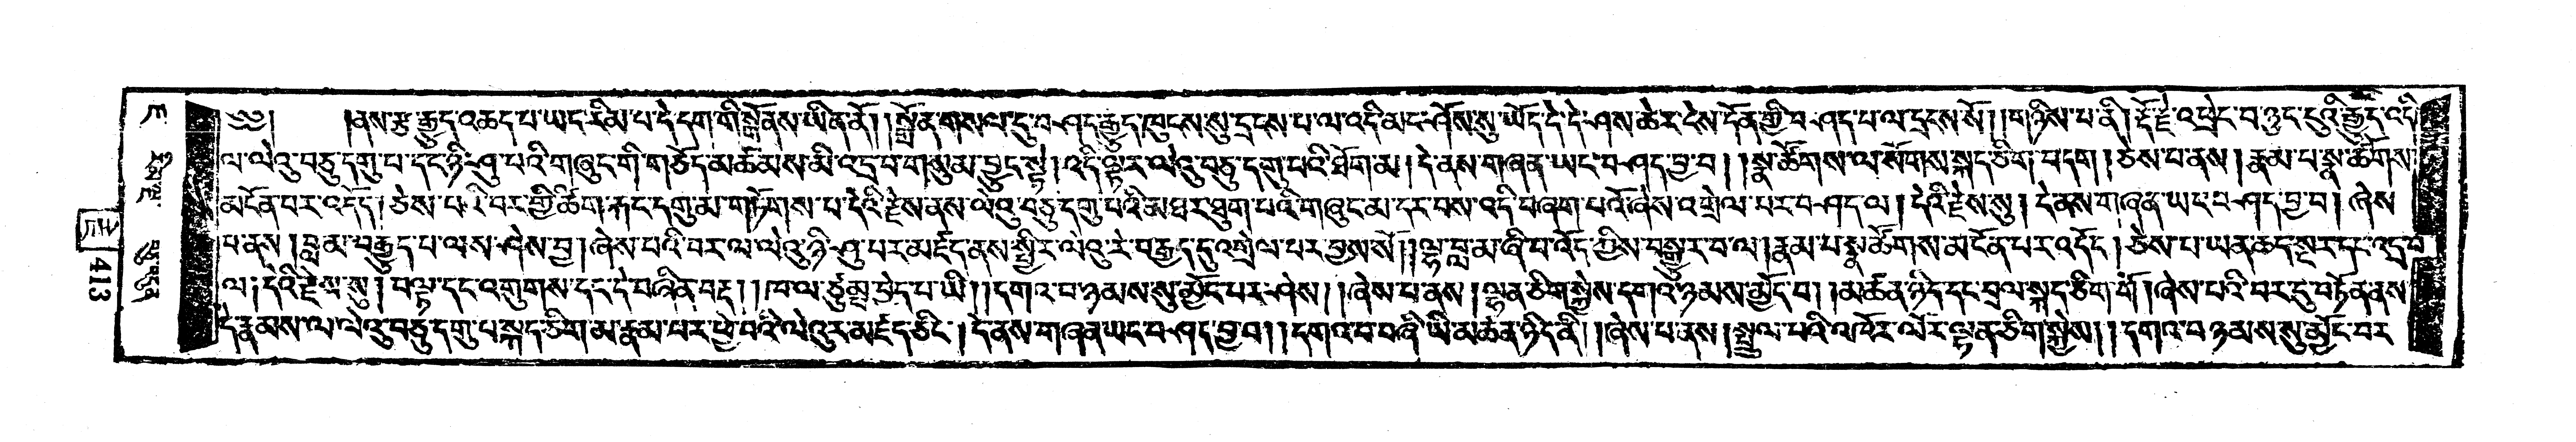༄༅། །ནས་རྩ་རྒྱུད་འཆད་པ་ཡང་རིམ་པ་དེ་དག་གི་སྒོ་ནས་ཡིན་ནོ། །སྒྲོན་གསལ་དུ་བཤད་རྒྱུད་ཁུངས་སུ་དྲངས་པ་ལ་འདི་མང་ཤོས་སུ་ཡོད་དེ་དེ་ཤས་ཆེར་ངེས་དོན་གྱི་བཤད་པ་ལ་དྲངས་སོ། །གཉིས་པ་ནི། རྡོ་རྗེ་འཕྲེང་བ་ཉུང་ངུའི་རྒྱུད་འདི་
ལ་ལེའུ་བཅུ་དགུ་པ་དང་ཉི་ཤུ་པའི་གཞུང་གི་གཅོད་མཚམས་མི་འདྲ་བ་གསུམ་བྱུང་སྟེ། འདི་ལྟར་ལེའུ་བཅུ་དགུ་པའི་ཐོག་མ། དེ་ནས་གཞན་ཡང་བཤད་བྱ་བ། །སྣ་ཚོགས་ལ་སོགས་སྐད་ཅིག་བདག །ཅེས་པ་ནས། རྣམ་པ་སྣ་ཚོགས་
མངོན་པར་འདོད། ཅེས་པའི་བར་གྱི་ཚིག་རྐང་དགུ་མ་གཏོགས་པ་དེའི་རྗེས་ནས་ལེའུ་བཅུ་དགུ་པའི་མཐར་ཐུག་པའི་གཞུང་མ་དར་བས་འདི་བཞག་པའོ་ཞེས་འགྲེལ་པར་བཤད་ལ། དེའི་རྗེས་སུ། དེ་ནས་གཞན་ཡང་བཤད་བྱ་བ། ཞེས་
པ་ནས། བླ་མ་བརྒྱུད་པ་ལས་ཤེས་བྱ། ཞེས་པའི་བར་ལ་ལེའུ་ཉི་ཤུ་པར་མཛད་ནས་སྤྱིར་ལེའུ་རེ་བརྒྱད་དུ་འགྲེལ་པར་བྱས་སོ། །ལྷ་བླ་མ་ཞི་བ་འོད་ཀྱིས་བསྒྱུར་བ་ལ། རྣམ་པ་སྣ་ཚོགས་མངོན་པར་འདོད། ཅེས་པ་ཡན་ཆད་སྔར་དང་འདྲ་བ་
ལ། དེའི་རྗེས་སུ། བལྟ་དང་འགུགས་དང་དེ་བཞིན་བརྡ། །ཁ་ལ་ཅུམ་པ་བྱེད་པ་ཡི། །དགའ་བ་ཉམས་སུ་མྱོང་བར་ཤེས། །ཞེས་པ་ནས། ལྷན་ཅིག་སྐྱེས་དགའ་ཉམས་མྱོང་བ། །མཚན་ཉིད་དང་བྲལ་སྐད་ཅིག་གོ །ཞེས་པའི་བར་དུ་བཏོན་ནས་དེ་རྣམས་ལ་ལེའུ་བཅུ་དགུ་པ་སྐད་ཅིག་མ་རྣམ་པར་ཕྱེ་བའི་ལེའུར་མཛད་ཅིང་། དེ་ནས་གཞན་ཡང་བཤད་བྱ་བ། །དགའ་བ་བཞི་ཡི་མཚན་ཉིད་ནི། །ཞེས་པ་ནས། སྤྲུལ་པའི་འཁོར་ལོར་ལྷན་ཅིག་སྐྱེས། །དགའ་བ་ཉམས་སུ་མྱོང་བར་